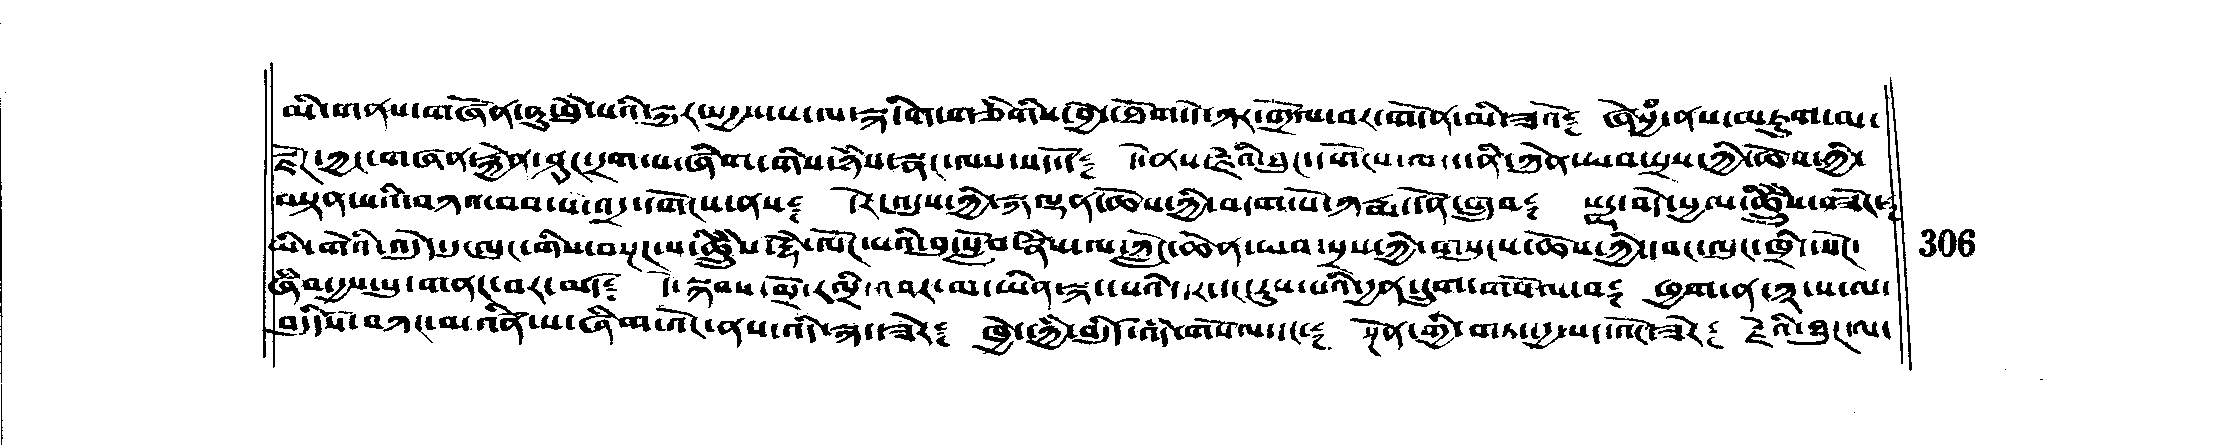མི་གནས་གཞོན་ནུ་བུམ་པའི་སྐུར་སངས་རྒྱས་པ་ལ་སྐད་ཅིག་གཅིག་གིས་བྱེད་ཐོག་དེ་ཀར་གྲོལ་བར་གདོན་མི་ཟའོ། ཞེས་གསུང་ནས་མཇུག་མ་
རྫོགས་ཀྱང་གཞན་རྐྱེན་ཤུགས་དྲག་པ་ཞིག་གིས་ཉམས་སྣང་ལས་སད་དོ། དེ་ནས་རྗེའི་ཐུགས་དགོངས་ལ་ད་ནི་ཀུན་མཁྱེན་ཡབ་སྲས་ཀྱི་ཆོས་ཀྱི་
བསྟན་པའི་བཀའ་བབ་པ་འདྲ་དགོངས་ནས།དེར་འདུས་ཀྱི་སྐལ་ལྡན་ཆོས་ཀྱི་བདག་པོ་ཀརྨ་དོན་གྲུབ། པདྨ་བདེ་གསལ་ཚུལ་ཁྲིམས་བཟང་པོ་
ཡི་གེའི་འདུ་བྱེད་དུ་ལུང་གིས་བསྔགས་པ་ཚུལ་ཁྲིམས་རྡོ་རྗེ་ལེགས་པའི་བུ་སློབ་རྣམས་ལ་ཀློང་ཆེན་ཡབ་སྲས་ཀྱི་གསུང་ཆོས་ཀྱི་དབང་ལུང་ཁྲིད་སོགས་
ཞིབ་རྒྱས་སུ་གནང་བ་མཛད། དེ་སྐབས་མཁའ་འགྲོ་རལ་གྲི་འབར་མ་ཡིན་སྐད་པའི་དར་དང་རུས་པའི་རྒྱན་དྲུག་གསོལ་བ། ཕྱག་ན་ཀཱ་པ་ལ་
བདུད་རྩིས་བཀང་བ་འཛིན་པ་ཞིག་འོང་ནས་འདི་སྐད་ཟེར། ཁྱེད་ཀྱི་བདུད་རྩི་འདི་གསོལ་དང་། སྔོན་གྱི་གཏད་རྒྱ་སད་འོང་ཟེར། རྗེའི་ཐུགས་ལ་